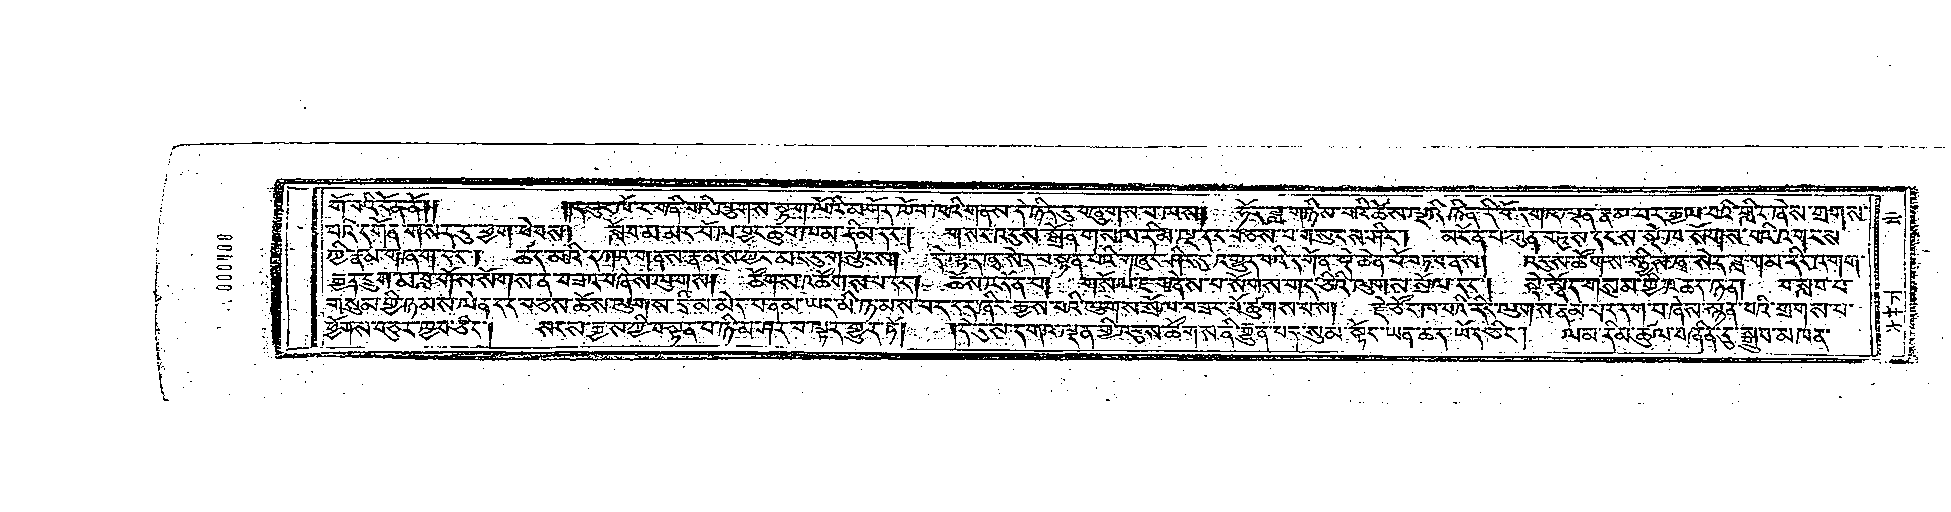གོ་བའི་དོན་ནོ།། །།དགུང་ལོ་ང་བཞི་བའི་ལྕགས་སྟག་ལོའི་མགོར་འོལ་ཁའི་གནས་དེ་ཉིད་དུ་བཞུགས་པ་ལས། ཧོར་ཟླ་གཉིས་པའི་ཚེས་ལྔའི་ཉིན་རི་བོ་དགའ་ལྡན་རྣམ་པར་རྒྱལ་བའི་གླིང་ཞེས་གྲགས་
པའི་དགོན་གསར་དུ་ཕྱག་ཕེབས། སློབ་མ་མང་པོ་ལ་བྱང་ཆུབ་ལམ་རིམ་དང་། གསང་འདུས་སྒྲོན་གསལ་རིམ་ལྔ་དང་བཅས་པ་གསུངས་ཤིང་། མངོན་པ་ཀུན་བཏུས་དང་ས་སྡེ་ལ་སོགས་པའི་འགངས་
ཀྱི་རྣམ་གཞག་དང་། ཚད་མའི་དཀའ་གནས་རྣམས་ཀྱང་མང་དུ་གསུངས། དེ་ལྟར་ཞྭ་སེར་བསྟན་པའི་གཞུང་ཤིང་དུ་འགྱུར་བའི་དགོན་སྡེ་ཆེན་པོ་བཏབ་ནས། འདུས་ཚོགས་སྤྱིས་ཞྭ་སེར་ཟླ་གམ་རིང་འགག་
རྒྱན་དྲུག་མ་བླ་གོས་སོགས་ན་བཟའ་བཞེས་ལུགས། ཚོགས་འཚོགས་པ་དང་། ཆོས་འདོན་པ། གསོལ་ཇ་བཞེས་པ་སོགས་གང་ཅིའི་ལུགས་སྲོལ་དང་། སྡེ་སྣོད་གསུམ་གྱི་འཆད་ཉན། བསླབ་པ་
གསུམ་གྱི་ཉམས་ལེན་དང་བཅས་ཆོས་ལུགས་དྲི་མ་མེད་པ་ནམ་ཡང་མི་ཉམས་པར་དར་ཞིང་རྒྱས་པའི་ལུགས་སྲོལ་བཟང་པོ་ཚུགས་པས། རྗེ་ཙོང་ཁ་བའི་རིང་ལུགས་རྣམ་པར་དག་པ་ཞེས་སྙན་པའི་གྲགས་པ་
ཕྱོགས་བཅུར་ཁྱབ་ཅིང་། སངས་རྒྱས་ཀྱི་བསྟན་པ་ཉི་མ་ཤར་བ་ལྟར་གྱུར་ཏོ། །དེ་དུས་དགའ་ལྡན་གྱི་འདུས་ཚོགས་ནི་རྒྱུན་པར་སུམ་སྟོང་ཡན་ཆད་ཡོད་ཅིང་། ལམ་རིམ་ཚུལ་བཞིན་དུ་སྒྲུབ་མཁན་